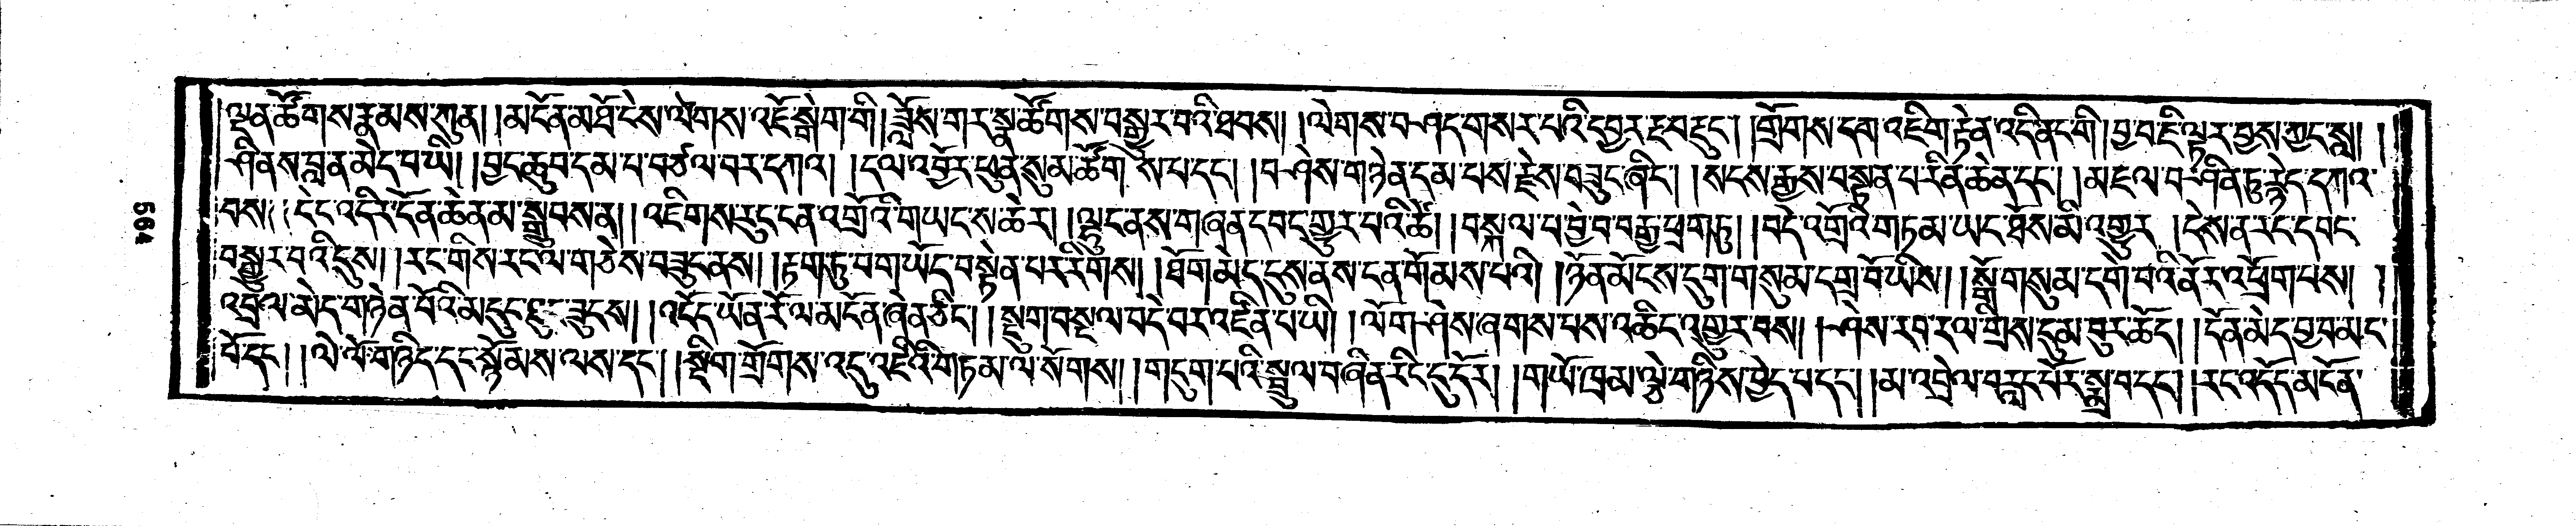ལྡན་ཚོགས་རྣམས་ཀུན། །མངོན་མཐོ་ངེས་ལེགས་འཇོ་སྒེག་གི །ཟློས་གར་སྣ་ཚོགས་བསྒྱུར་བའི་ཐབས། །ལེགས་བཤད་གསར་པའི་དབྱར་རྔ་བརྡུང་། །གྲོགས་དག་འཇིག་རྟེན་འདི་ནང་གི །བྱ་བ་ཇི་ལྟར་བྱས་ཀྱང་སླ། །
ཤི་ནས་བླ་ན་མེད་པ་ཡི། །བྱང་ཆུབ་དམ་པ་བཙལ་བར་དཀའ། །དལ་འབྱོར་ཕུན་སུམ་ཚོགས་པ་དང་། །བཤེས་གཉེན་དམ་པས་རྗེས་བཟུང་ཞིང་། །སངས་རྒྱས་བསྟན་པ་རིན་ཆེན་དང་། །མཇལ་བ་ཤིན་ཏུ་རྙེད་དཀའ་
བས། །དེང་འདིར་དོན་ཆེན་མ་སྒྲུབས་ན། །འཇིགས་རུང་ངན་འགྲོའི་གཡང་ས་ཆེར། །ལྷུང་ནས་གཞན་དབང་གྱུར་པའི་ཚེ། །བསྐལ་པ་བྱེ་བ་བརྒྱ་ཕྲག་ཏུ། །བདེ་འགྲོའི་གཏམ་ཡང་ཐོས་མི་འགྱུར། །དེས་ནས་རང་དབང་
བསྒྱུར་བའི་དུས། །རང་གིས་རང་ལ་གཅེས་བཟུང་ནས། །རྟག་ཏུ་བག་ཡོད་བསྟེན་པར་རིགས། །ཐོག་མེད་དུས་ནས་ངན་གོམས་པའི། །ཉོན་མོངས་དུག་གསུམ་དགྲ་བོ་ཡིས། །སྒོ་གསུམ་དགེ་བའི་ནོར་འཕྲོག་པས།།
འབྲལ་མེད་གཉེན་པའི་མདུང་ཐུང་ཟུངས། །འདོད་ཡོན་རོ་ལ་མངོན་ཞེན་ཅིང་། །སྡུག་བསྔལ་བདེ་བར་འཛིན་པ་ཡི། །ལོག་ཤེས་ཞགས་པས་འཆིང་འགྱུར་བས། །ཤེས་རབ་རལ་གྲིས་དུམ་བུར་ཆོད། །དོན་མེད་བྱ་བ་མང་
པོ་དང་། །ལེ་ལོ་གཉིད་དང་སྙོམས་ལས་དང་། །སྡིག་གྲོགས་འདུ་འཛིའི་གཏམ་ལ་སོགས། །གདུག་པའི་སྦྲུལ་བཞིན་རིང་དུ་དོར། །གཡོ་ཁྲམ་ལྕེ་གཉིས་བྱེད་པ་དང་། །མ་འབྲེལ་བརླང་པོར་སྨྲ་བ་དང་། །རང་འདོད་མངོན་